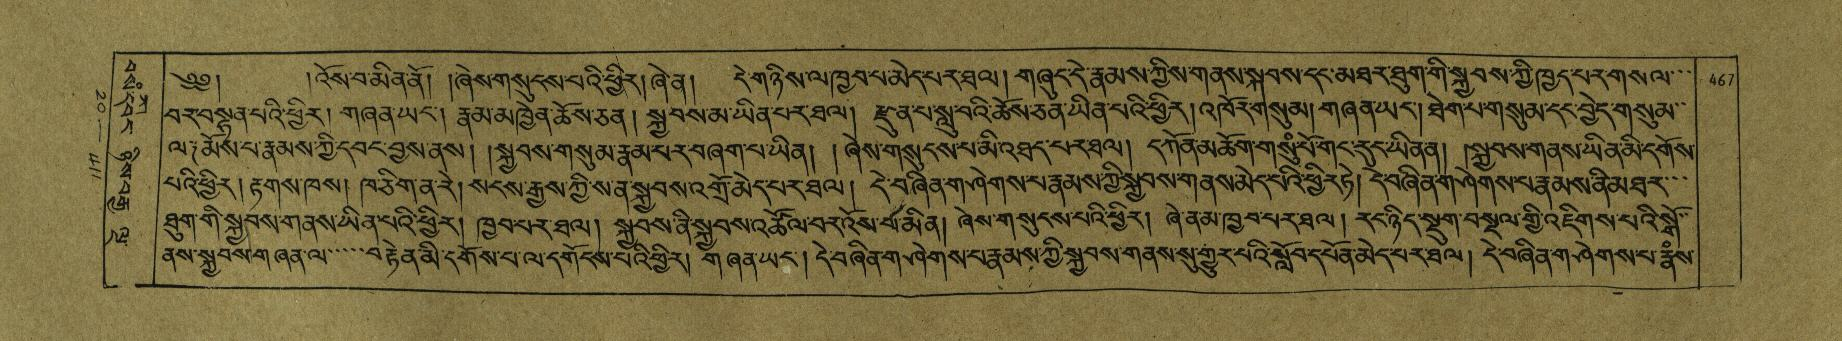༄༅། །འོས་བ་མིན་ནོ། །ཞེས་གསུངས་པའི་ཕྱིར། ཞེ་ན། དེ་གཉིས་ལ་ཁྱབ་པ་མེད་པར་ཐལ། གཞུང་དེ་རྣམས་ཀྱིས་གནས་སྐབས་དང་མཐར་ཐུག་གི་སྐྱབས་ཀྱི་ཁྱད་པར་གསལ་
བར་བསྟན་པའི་ཕྱིར། གཞན་ཡང་། རྣམ་མཁྱེན་ཆོས་ཅན། སྐྱབས་མ་ཡིན་པར་ཐལ། རྫུན་པ་སླུ་བའི་ཆོས་ཅན་ཡིན་པའི་ཕྱིར། འཁོར་གསུམ། གཞན་ཡང་། ཐེག་པ་གསུམ་དང་བྱེད་གསུམ་
ལ༑ མོས་པ་རྣམས་ཀྱི་དབང་བྱས་ནས། །སྐྱབས་གསུམ་རྣམ་པར་བཞག་པ་ཡིན། །ཞེས་གསུངས་པ་མི་འཐད་པར་ཐལ། དཀོན་མཆོག་གསུཾ་པོ་གང་རུང་ཡིན་ན། །སྐྱབས་གནས་ཡིན་མི་དགོས་
པའི་ཕྱིར། རྟགས་ཁས། ཁ་ཅིག་ན་རེ། སངས་རྒྱས་ཀྱི་ས་ན་སྐྱབས་འགྲོ་མེད་པར་ཐལ། དེ་བཞིན་གཤེགས་པ་རྣམས་ཀྱི་སྐྱབས་གནས་མེད་པའི་ཕྱིར་ཏེ། དེ་བཞིན་གཤེགས་པ་རྣམས་ནི་མཐར་
ཐུག་གི་སྐྱབས་གནས་ཡིན་པའི་ཕྱིར། ཁྱབ་པར་ཐལ། སྐྱབས་ནི་སྐྱབས་འཚོལ་བར་འོས་པ་མིན། ཞེས་གསུངས་པའི་ཕྱིར། ཞེ་ན་མ་ཁྱབ་པར་ཐལ། རང་ཉིད་སྡུག་བསྔལ་གྱི་འཇིགས་པའི་སྒོ་
ནས་སྐྱབས་གཞན་ལ་བརྟེན་མི་དགོས་པ་ལ་དགོངས་པའི་ཕྱིར། གཞན་ཡང་། དེ་བཞིན་གཤེགས་པ་རྣམས་ཀྱི་སྐྱབས་གནས་སུ་གྱུར་པའི་སློབ་དཔོན་མེད་པར་ཐལ། དེ་བཞིན་གཤེགས་པ་རྣཾས་